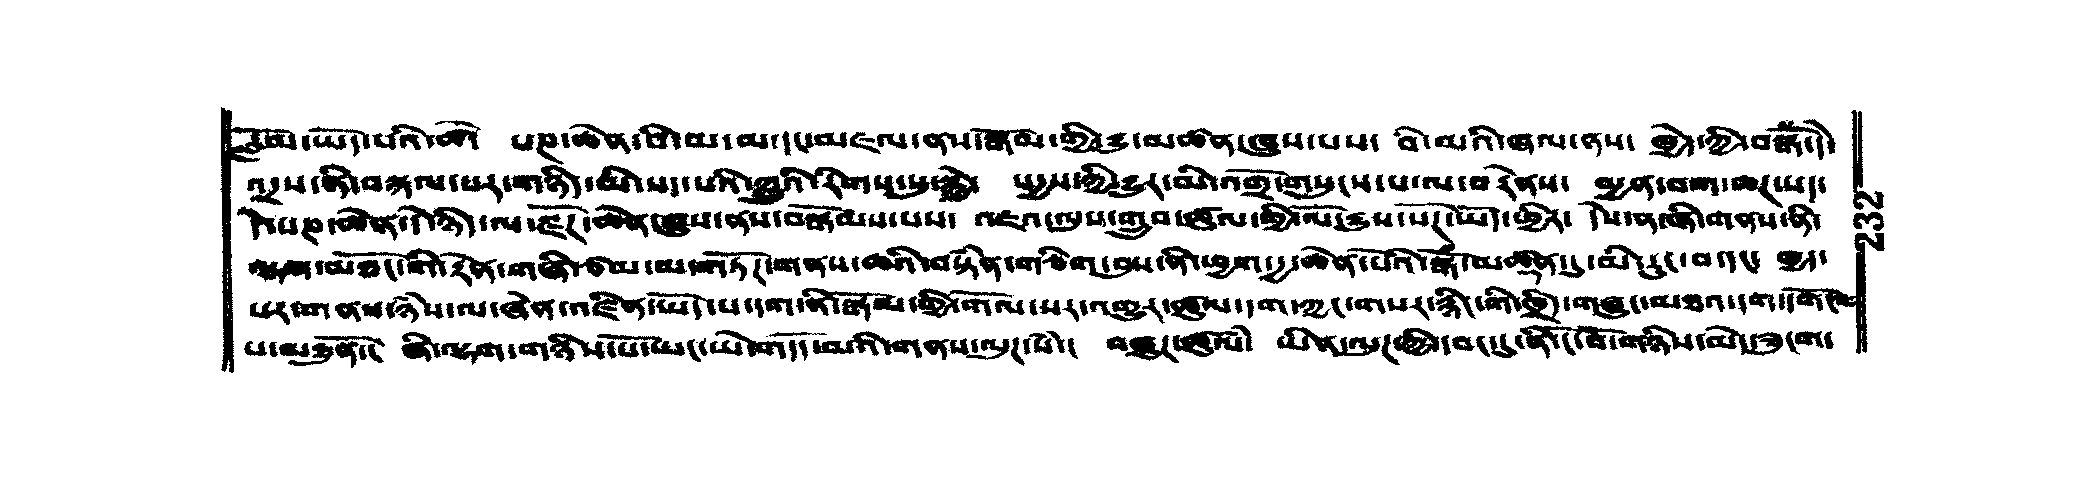རློམ་ཡོད་པའི་ཚེ། པཎ་ཆེན་བི་མ་མ་དང་མཇལ་ནས་སྒོམ་གྱི་རྒྱུ་མཚན་ཞུས་པས། བི་མའི་ཞལ་ནས། ཁྱེད་ཀྱི་བསྒོམ་དེ་
འདྲས་ནི་བསྐལ་པར་གཉིད་མི་སད་པའི་ཀླུའི་རིགས་སུ་སྐྱེ། སངས་རྒྱས་ཀྱི་རྒྱུར་མི་འགྲོ་གསུངས་པ་ལ་བརྟེན་ནས། མྱང་བན་བག་ཆགས་སད་
དེ་པཎ་ཆེན་དེ་ཉིད་ལ་རྫོགས་ཆེན་ནཞུས་ནས་བསྒོམས་པས། འཇའ་ལུས་གྲུབ་ཚུལ་གྱི་ལོ་རྒྱུས་སོགས་ཡོད་ཕྱིར། དེས་ན་ཞི་གནས་ནི་
ལྷག་མཐོང་གི་རྟེན་གཞི་ཙམ་མ་གཏོགས་གནས་ཆའི་བསམ་གཏན་གཅིག་བུས་ནི་ཕྱག་རྒྱ་ཆེན་པོའི་སྒོམ་ཚད་ལྡན་དུ་མི་རུང་བ་དང་། ཁྱད་
པར་གནས་ཉམས་ལ་ཞེན་འཛིན་ཡོད་པ་དག་ནི་སྒོམ་གྱི་གོལ་སར་འགྱུར་ཚུལ་དག་ཀྱང་གསར་རྙིང་གི་ཁྲིད་གཞུང་མཐའ་དག་དགོངས་
པ་མཐུན་ནོ། ཞི་ལྷག་གཉིས་པོ་ཡང་ཡེ་གདོད་མའི་གནས་ལུགས་སམ། བཞུགས་ཚུལ་ལམ། ཡིན་ལུགས་ཀྱི་དབང་དུ་ནི་ངོ་བོ་གཉིས་མེད་ཟུང་འཇུག་